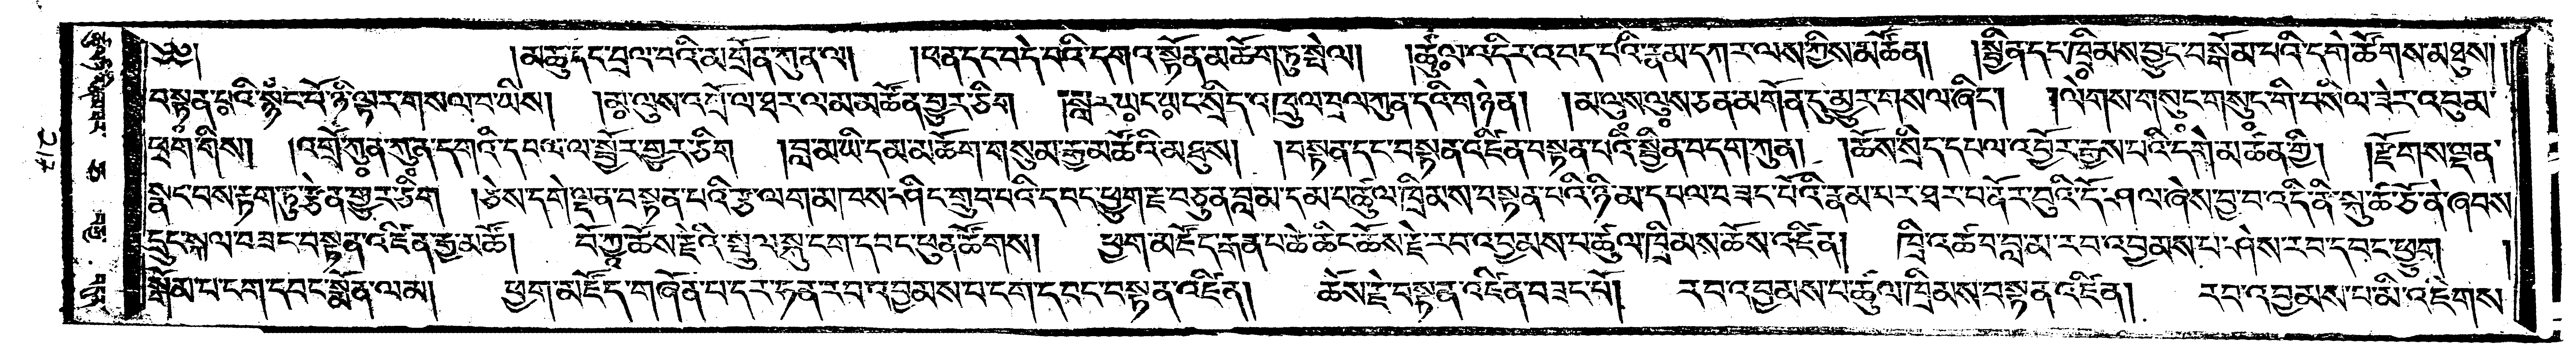༄༅། །མཆུ་དང་བྲལ་བའི་མགྲོན་ཀུན་ལ། །ཕན་དང་བདེ་བའི་དགའ་སྟོན་མཆོག་ཏུ་སྤེལ། །ཚུལ྾་འདིར་འབད་པའི་རྣམ་དཀར་ལས་ཀྱིས་མཚོན། །སྤྱིན་དང་ཁྲིམས་བྱུང་བསྒོམ་པའི་དགེ་ཚོགས་མཐུས། །
བསྟན་པའི་སྙིང་པོ་ཉི་ལྟར་གསལ་བ་ཡིས། །མ྾་ལུས་འགྲོ་ལ་ཐར་ལམ་མཚོན་གྱུར་ཅིག །སླར་ཡང྾་ཡང྾་སྲིད་འཁྲུལ་བྲལ་ཀུན་དའི་གཉེན། །མ་ལུས྾་ལུས྾་ཅན་མགོན་དུ་མྱུར་གསལ་ཞིང་། །ལེགས་གསུང་གསུང་གི་བསིལ་ཟེར་འབུམ་
ཕྲག་གིས། །འགྲོ་ཀུན྾་ཀུན྾་དགའི་དཔལ་ལ་སྦྱོར་གྱུར་ཅིག །བླ་མ་ཡི་དམ་མཆོག་གསུམ་རྒྱ་མཚོའི་མཐུས། །བསྟན་དང་བསྟན་འཛིན་བསྟན་པའི་སྦྱིན་བདག་ཀུན། །ཆོས་སྲིད་དཔལ་འབྱོར་རྒྱས་པའི་དགེ་མཚན་གྱི། །རྫོགས་ལྡན་
སྣང་བས་རྟག་ཏུ་རྩེན་གྱུར་ཅིག །ཅེས་དགེ་ལྡན་བསྟན་པའི་རྩ་ལག་མཁས་ཤིང་གྲུབ་པའི་དབང་ཕྱུག་རྗེ་བཙུན་བླ་མ་དམ་པ་ཚུལ་ཁྲིམས་བསྟན་པའི་ཉི་མ་དཔལ་བཟང་པོའི་རྣམ་པར་ཐར་པ་ནོར་བུའི་དོ་ཤལ་ཞེས་བྱ་བ་འདི་ནི་སྐུ་ཚ་ཅོ་ནེ་ཞབས་
དྲུང་སྐལ་བཟང་བསྟན་འཛིན་རྒྱ་མཚོ། བོ་ཀྱུ་ཆོས་རྗེའི་སྤྲུལ་སྐུ་ངག་དབང་ཕུན་ཚོགས། ཕྱག་མཛོད་རྒན་པ་ཆེ་ཆིང་ཆོས་རྗེ་རབ་འབྱམས་པ་ཚུལ་ཁྲིམས་ཆོས་འཛིན། ཁྲི་འཚབ་བླ་མ་རབ་འབྱམས་པ་ཤེས་རབ་དབང་ཕྱུག །
སྒོམ་པ་ངག་དབང་སྨོན་ལམ། ཕྱག་མཛོད་གཞོན་བདར་ཧན་རབ་འབྱམས་པ་ངག་དབང་བསྟན་འཛིན། ཆོས་རྗེ་བསྟན་འཛིན་བཟང་པོ། རབ་འབྱམས་པ་ཚུལ་ཁྲིམས་བསྟན་འཛིན། རབ་འབྱམས་པ་མི་འཇིགས་